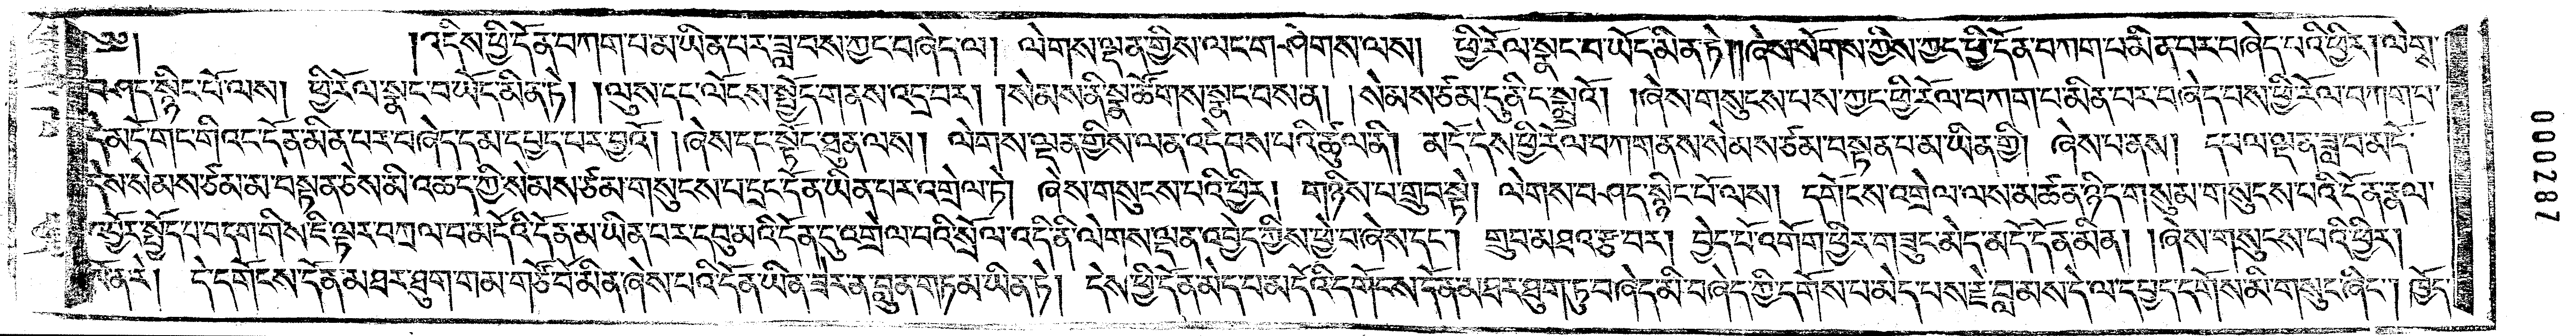༄༅། །འདིས་ཕྱི་དོན་བཀག་པ་མ་ཡིན་པར་ཟླ་བས་ཀྱང་བཞེད་ལ། ལེགས་ལྡན་གྱིས་ལང་གཤེགས་ལས། ཕྱི་རོལ་སྣང་བ་ཡོད་མིན་ཏེ། ཞེས་སོགས་ཀྱིས་ཀྱང་ཕྱི་དོན་བཀག་པ་མིན་པར་བཞེད་པའི་ཕྱིར་།ལེགས་
བཤད་སྙིང་པོ་ལས། ཕྱི་རོལ་སྣང་བ་ཡོང་མིན་ཏེ། །ལུས་དང་ལོངས་སྤྱོད་གནས་འདྲ་བར། །སམས་ནི་སྣ་ཚོགས་སྣང་བས་ན། །སེམས་ཙམ་དུ་ནི་སྨྲའོ། །ཞེས་གསུངས་པས་ཀྱང་ཕྱི་རོལ་བཀག་པ་མིན་པར་བཞེད་པས་ཕྱི་རོལ་བཀག་པ?
དེ་མདོ་གང་གིའང་དོན་མིན་པར་བཞེད་དམ་དཔྱད་པར་བྱའོ། །ཞེས་དང་སྟོང་ཐུན་ལས། ལེགས་ལྡན་གྱིས་ལན་འདེབས་པའི་ཚུལ་ནི། མདོ་དེས་ཕྱི་རོལ་བཀག་ནས་སེམས་ཙམ་བསྟན་པ་མ་ཡིན་གྱི། ཞས་པ་ནས། དཔལ་ལྡན་ཟླ་བ་མདོ་
དེས་སེམས་ཙམ་མ་བསྟན་ཅེས་མི་འཆད་ཀྱི་སེམས་ཙམ་གསུངས་པ་དྲང་དོན་ཡིན་པར་འགྲེལ་ཏེ། ཞེས་གསུངས་པའི་ཕྱིར། གཉིས་པ་གྲུབ་སྟེ། ལེགས་བཤད་སྙིང་པོ་ལས། དགོངས་འགྲེལ་ལས་མཚན་ཉིད་གསུམ་གསུངས་པའི་དོན་རྣལ་
འབྱོར་སྤྱོད་པ་བདག་གིས་ཇི་ལྟར་བཀྲལ་བ་མདོའི་དོན་མ་ཡིན་བར་དབུ་མའི་དོན་དུ་འགྲེལ་བའི་སྲོལ་འདི་ནི་ལེགས་ལྡན་འབྱེད་ཀྱིས་བྱེ་བ་ཞེས་དང་། གྲུབ་མཐའ་རྩ་བར། བྱེད་པོ་འགོག་ཕྱིན་གཟུང་མེད་མདོ་དོན་མིན། །ཞེས་གསུངས་པའི་ཕྱིར།
ཁོ་ན་རེ། དེ་དགོངས་དོན་མཐར་ཐུག་གམ་གཙོ་བོ་མིན་ཞེས་པའི་དོན་ཡིན་ཟེར་ན་བླུན་གཏམ་ཡིན་ཏེ། དེས་ཕྱི་དོན་མེད་པ་མདོའི་དགོངས་དོན་མཐར་ཐུག་ཏུ་བཞེད་མི་བཞེད་ཀྱི་དགོས་བ་མེད་པས་རྗེ་བླ་མས་དེ་ལ་དཔྱད་དགོས་མི་གསུང་ཞིང་། ཁྱོད་